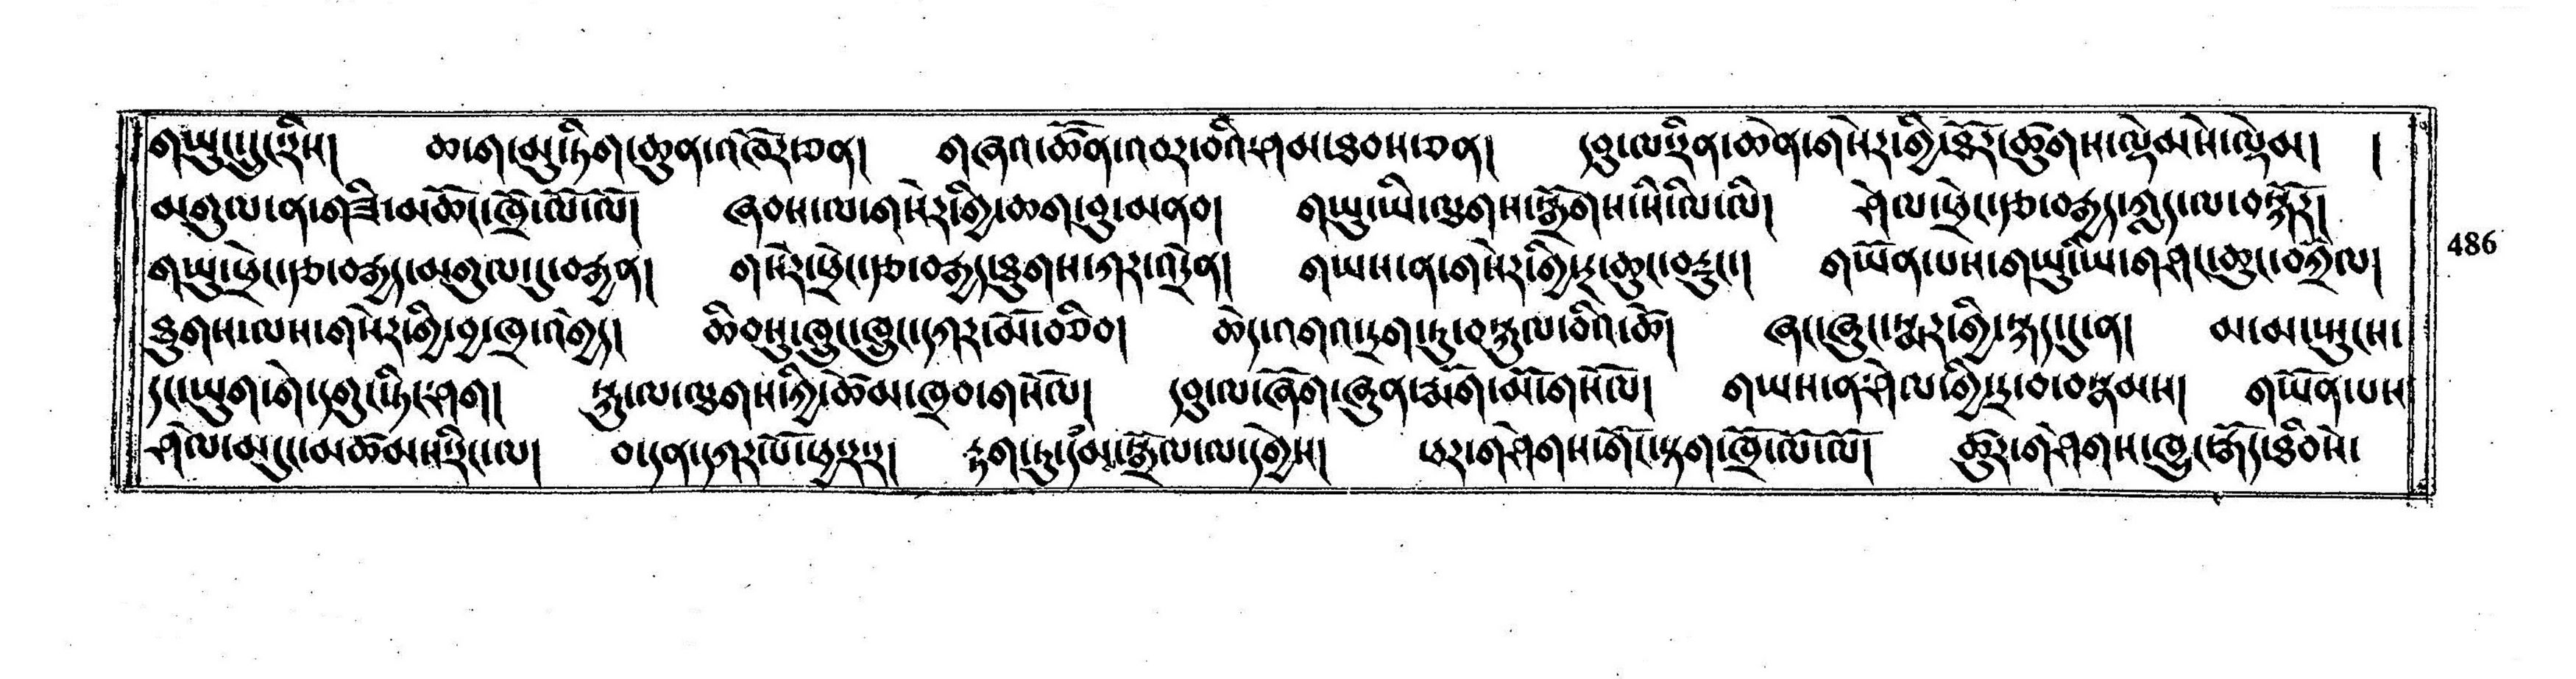གཡུང་དྲུང་རིས། ཆ་ག་མུ་ཏིག་ཆུན་འཁོར་ཅན། གཞའ་ཚོན་འབར་བའི་ཤམ་ཐབས་ཅན། དབུ་ལ་རིན་ཆེན་གསེར་གྱི་ཐོར་ཚུགས་ལྡེམས་སེ་ལྡེམ། 
མགུལ་ན་གཟི་མཆོང་ཁྲོ་ལོ་ལོ། ཞབས་ལ་གསེར་གྱི་ཆག་བུ་མནབ། གཡུ་ཡི་ལྕགས་སྒྲོགས་སི་ལི་ལི། ཤེལ་ཕྲེང་རྩ་བརྒྱད་གླད་ལ་བསྐོར། 
གཡུ་ཕྲེང་རྩ་བརྒྱད་མགུལ་དུ་བརྒྱན། གསེར་ཕྲེང་རྩ་བརྒྱད་ཐུགས་ཀར་འདྲེན། གཡས་ན་གསེར་གྱི་རྔ་ཆུང་བརྡུང་། གཡོན་པས་གཡུ་ཡི་གཤང་ཆུང་བཀྲོལ། 
ཐུགས་ལས་གསེར་གྱི་བྱ་ཁྲ་འགྱེད། ཆིབས་སུ་ཁྲུང་ཁྲུང་དཀར་མོ་བཅིབ། ཆེད་འགའ་དྲག་ཏུ་བསྐུལ་བའི་ཚེ། ཞང་ཞུང་སྨར་གྱི་སྐད་དུ་ན། མ་མ་སྤུངས་
དང་ཡུག་གེ་དགུང་ཏིང་ཤག །སྐུ་ལ་ལྕགས་ཀྱི་ཚེམ་ཁྲབ་གསོལ། དབུ་ལ་ཞོག་ཞུན་རྨོག་མོ་གསོལ། གཡས་ན་ཤེལ་གྱི་དྲ་བ་བསྣམས། གཡོན་པས་
ཤེལ་མདུང་འཚམས་རིང་ལ། བ་དན་དཀར་པོ་ཕྱ་ར་ར། {500}རྟག་ཏུ་དམ་ཉམས་སྒྲོལ་ལ་དགྱེས། ཕར་གཤེགས་གོང་སྟག་ཁྲོ་ལོ་ལོ། ཚུར་གཤེགས་ཁྱུང་རྒོད་ཐིབས་སེ་